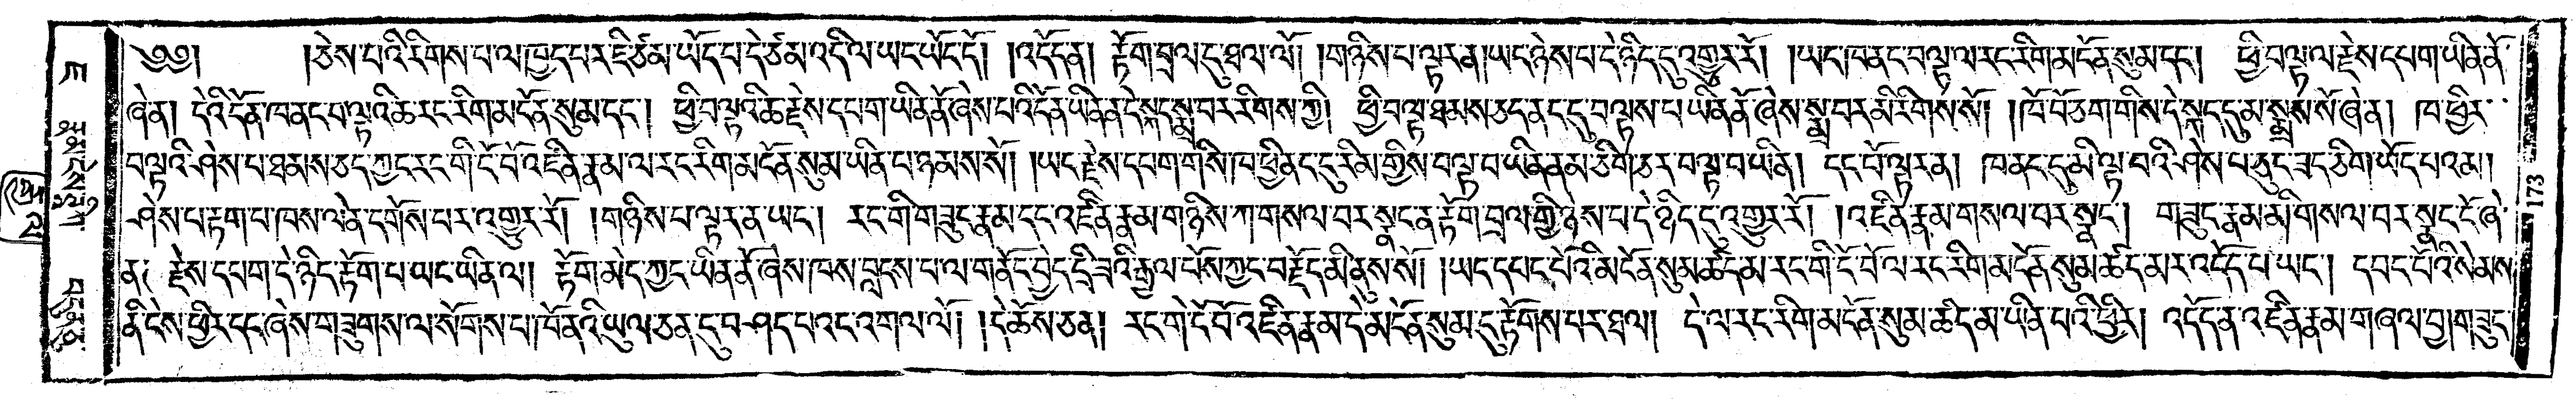༄༅། །ཅེས་པའི་རིགས་པ་ལ་ཁྱད་པར་ཇི་ཙམ་ཡོད་པ་དེ་ཙམ་འདི་ལ་ཡང་ཡོད་དོ། །འདོད་ན། རྟོག་བྲལ་དུ་ཐལ་ལོ། །གཉིས་པ་ལྟར་ན། ཡང་ཉེས་པ་དེ་ཉིད་དུ་འགྱུར་རོ། །ཡང་ཁ་ནང་བལྟ་ལ་རང་རིག་མངོན་སུམ་དང་། ཕྱི་བལྟ་ལ་རྗེས་དཔག་ཡིན་ནོ་
ཞེ་ན། དེའི་དོན་ཁ་ནང་པ་ལྟའི་ཆ་རང་རིག་མངོན་སུམ་དང་། ཕྱི་བལྟའི་ཆ་རྗེས་དཔག་ཡིན་ནོ་ཞེས་པའི་དོན་ཡིན་ན་དེ་སྐད་སྨྲ་བར་རིགས་ཀྱི། ཕྱི་བ་ལྟ་ཐམས་ཅད་ནང་དུ་བལྟས་པ་ཡིན་ནོ་ཞེས་སྨྲ་བར་མི་རིགས་སོ། །ཁོ་བོ་ཅག་གིས་དེ་སྐད་དུ་མ་སྨྲས་སོ་ཞེ་ན། ཁ་ཕྱིར་
བལྟའི་ཤེས་པ་ཐམས་ཅད་ཀྱང་རང་གི་ངོ་བོ་འཛིན་རྣམ་ལ་རང་རིག་མངོན་སུམ་ཡིན་པ་ཉམས་སོ། །ཡང་རྗེས་དཔག་གིས་ཁ་ཕྱི་ནང་དུ་རིམ་གྱིས་བལྟ་བ་ཡིན་ནམ་ཅིག་ཅར་བལྟ་བ་ཡིན། དང་པོ་ལྟར་ན། ཁ་ནང་དུ་མི་ལྟ་བའི་ཤེས་པ་ཅུང་ཟད་ཅིག་ཡོད་པའམ།
ཤེས་པ་རྟག་པ་ཁས་ལེན་དགོས་པར་འགྱུར་རོ། །གཉིས་པ་ལྟར་ན་ཡང་། རང་གི་གཟུང་རྣམ་དང་འཛིན་རྣམ་གཉིས་ཀ་གསལ་བར་སྣང་ན་རྟོག་བྲལ་གྱི་ཉེས་པ་དེ་ཉིད་དུ་འགྱུར་རོ། །འཛིན་རྣམ་གསལ་བར་སྣང་། གཟུང་རྣམ་མི་གསལ་བར་སྣང་ངོ་ཞེ་
ན། རྗེས་དཔག་དེ་ཉིད་རྟོག་པ་ཡང་ཡིན་ལ། རྟོག་མེད་ཀྱང་ཡིན་ནོ་ཞེས་ཁས་བླངས་པ་ལ་གནོད་བྱེད་དྲི་ཟའི་རྒྱལ་པོས་ཀྱང་བརྗོད་མི་ནུས་སོ། །ཡང་དབང་པོའི་མངོན་སུམ་ཚད་མ་རང་གི་ངོ་བོ་ལ་རང་རིག་མངོན་སུམ་ཚད་མར་འདོད་པ་ཡང་། དབང་པོའི་སེམས་
ནི་ངེས་ཕྱིར་དང་ཞེས་གཟུགས་ལ་སོགས་པ་ཁོ་ནའི་ཡུལ་ཅན་དུ་བཤད་པའང་འགལ་ལོ། །དེ་ཆོས་ཅན། རང་གེ་ངོ་བོ་འཛིན་རྣམ་དེ་མངོན་སུམ་དུ་རྟོགས་པར་ཐལ། དེ་ལ་རང་རིག་མངོན་སུམ་ཚད་མ་ཡིན་པའི་ཕྱིར། འདོད་ན་འཛིན་རྣམ་གཞལ་བྱ། གཟུང་